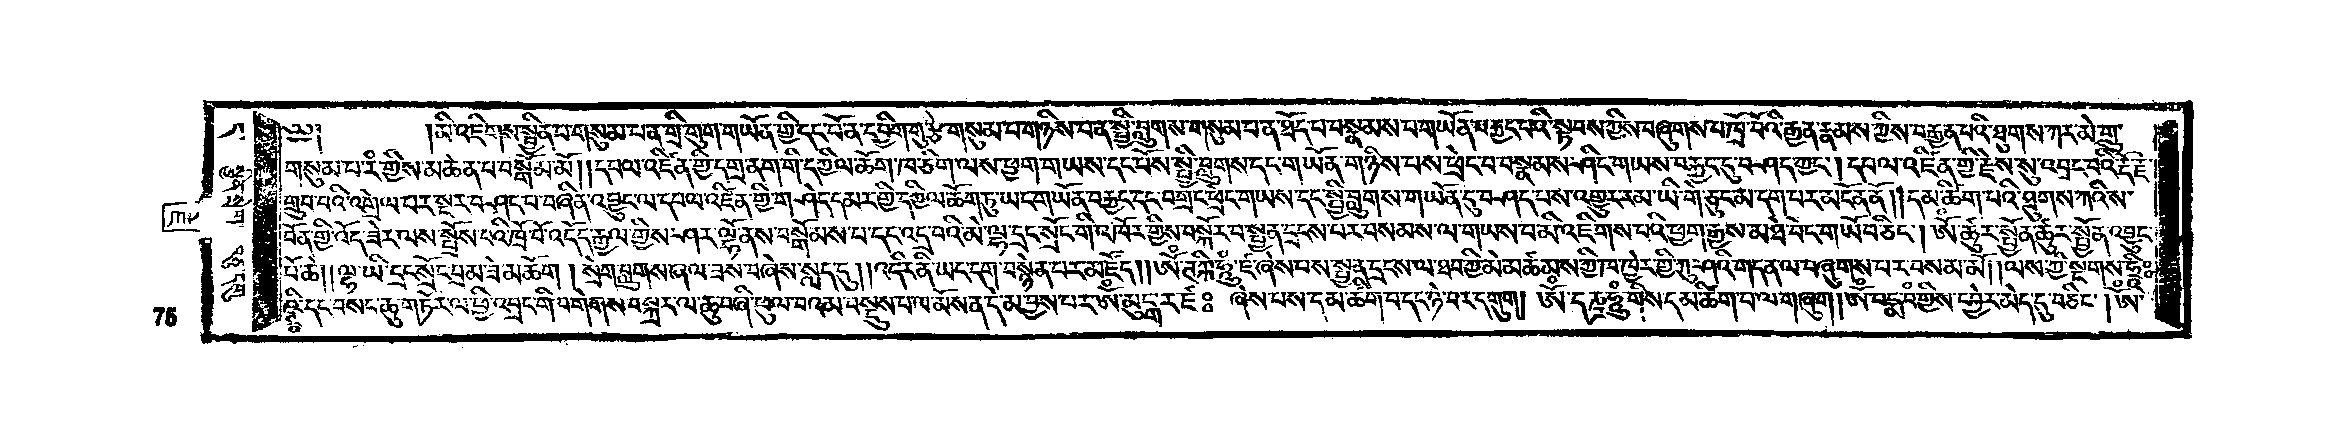༄༅། །མི་འཇིགས་སྦྱིན་པ་གསུམ་པ་ན་གྲི་གུག་གཡོན་གྱི་དང་པོ་ན་དབྱིག་གུ་རྩེ་གསུམ་པ་གཉིས་པ་ན་སྤྱི་བླུགས་གསུམ་པ་ན་ཐོད་པ་བསྣམས་པ་གཡོན་བརྐྱང་པའི་སྟབས་ཀྱིས་བཞུགས་པ་ཁྲོ་བོའི་རྒྱན་རྣམས་ཀྱིས་བརྒྱན་པའི་ཐུགས་ཀར་མེ་གྲུ་
གསུམ་པ་རཾ་གྱིས་མཚན་པ་བསྒོམ་མོ། །དཔལ་འཛིན་གྱི་དགྲ་ནག་གི་དཀྱིལ་ཆོག་ཁ་ཅིག་ལས་ཕྱག་གཡས་དང་པོས་སྤྱི་བླུགས་དང་གཡོན་གཉིས་པས་ཕྲེང་བ་བསྣམས་ཤིང་གཡས་བརྐྱང་དུ་བཤད་ཀྱང་། དཔལ་འཛིན་གྱི་རྗེས་སུ་འབྲང་བའི་རྡོ་རྗེ་
གྲུབ་པའི་འགྲེལ་པར་སྔར་བཤད་པ་བཞིན་འབྱུང་ལ་དཔལ་འཛིན་གྱི་གཤེད་དམར་གྱི་དཀྱིལ་ཆོག་ཏུ་ཡང་གཡོན་བརྐྱང་དང་བགྲང་ཕྲེང་གཡས་དང་སྤྱི་བླུགས་གཡོན་དུ་བཤད་པས་འགྱུར་རམ་ཡི་གེ་ཅུང་མ་དག་པར་མངོན་ནོ། །དམ་ཚིག་པའི་ཐུགས་ཀའི་ས་
བོན་གྱི་འོད་ཟེར་ལས་སྤྲོས་པའི་ཁྲོ་བོ་འདོད་རྒྱལ་གྱིས་ཤར་ལྷོ་ནས་བསྒོམས་པ་དང་འདྲ་བའི་མེ་ལྷ་དྲང་སྲོང་གི་འཁོར་གྱིས་བསྐོར་བ་སྤྱན་དྲངས་པར་བསམས་ལ་གཡས་པ་མི་འཇིགས་པའི་ཕྱག་རྒྱས་མཐེ་བོང་གཡོབ་ཅིང་། ཨོཾ་ཚུར་སྤྱོན་ཚུར་སྤྱོན་འབྱུང་
པོ་ཆེ། །ལྷ་ཡི་དྲང་སྲོང་བྲམ་ཟེ་མཆོག །སྲེག་བླུགས་ཞལ་བས་བཞེས་སླད་དུ། །འདིར་ནི་ཡང་དག་བསྙེན་པར་མཛོད། །ཨོཾ་ཊཀྐི་ཧཱུཾ་ཛ་ཞེས་པས་སྤྱན་དྲངས་ལ་ཐབ་ཀྱི་མེ་མཚམས་ཀྱི་ཁ་ཁྱེར་གྱི་ཀུ་ཤའི་གདན་ལ་བཞུགས་པར་བསམ་མོ། །ལས་ཀྱི་སྔགས་ཧྲཱིཿ
ཥྚྲཱི་དང་བསང་ཆུ་གཏོར་ལ་ཕྱི་འབྲང་གི་བགེགས་བསྐྲར་ལ་ཆུ་བཞི་ཕུལ་བའམ་བསྡུས་པ་ལ་མོས་ན་དེ་མ་བྱས་པར་ཨོཾ་མུངྒ་ར་ཛཿ ཞེས་པས་དམ་ཚིག་པ་དང་ཉེ་བར་དགུག །ཨོཾ་དཎྜ་ཧཱུཾ་གིས་དམ་ཚིག་པ་ལ་གཞུག །ཨོཾ་པདམ་བཾ་གྱིས་དབྱེར་མེད་དུ་བཅིང་། ཨོཾ་